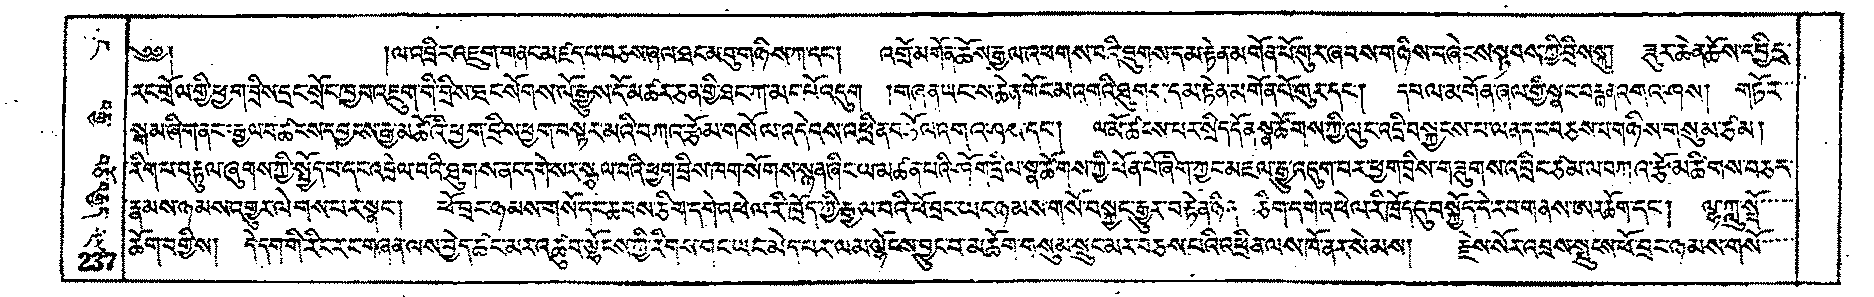༄༅། །ལ་འབྲིར་འཇུག་གནང་མཛད་པ་བཅས་ཞལ་ཐང་མ་བུ་གཉིས་ཀ་དེང་། འགྲོ་མགོན་ཆོས་རྒྱལ་འཕགས་པའི་ཐུགས་དམ་རྟེན་མགོན་པོ་གུར་ཞབས་གཉིས་བཞེངས་སྟབས་ཀྱི་བྲིས་སྐུ། ཟུར་ཆེན་ཆོས་དབྱིངས་
རང་གྲོལ་གྱི་ཕྱག་བྲིས་དྲང་སྲོང་ཁྱབ་འཇུག་གི་བྲིས་ཐང་སོགས་ལོ་རྒྱུས་ངོ་མཚར་ཅན་གྱི་ཐང་ཀ་མང་པོ་འདུག །གཞན་ཡང་ས་ཆེན་གོང་མ་འགའི་ཐུགས་དམ་རྟེན་མགོན་པོ་གུར་དང་། དཔལ་མགོན་ཞལ་གྱི་སྣང་བརྙན་འགའ་ཤས། གཏོར་
སྒམ་ཞིག་ནང་༧རྒྱལ་བ་ཚངས་དབྱངས་རྒྱ་མཚོའི་ཕྱག་བྲིས་ཕྱག་བསྟར་མའི་བཀའ་རྩོམ་གསོལ་འདེབས་འཕྲིན་བཅོལ་འགའ་ཤས་དང་། ལ་མོ་ཚངས་པར་སྲིད་དོན་སྣ་ཚོགས་ཀྱི་ལུང་འདྲི་བསྐྱངས་པ་ལན་དང་བཅས་པ་གཉིས་གསུམ་ཙམ།
རིག་པ་བརྟུལ་ཞུགས་ཀྱི་སྤྱོད་པ་དང་འབྲེལ་བའི་ཐུགས་ནང་དགེ་སར་སྩལ་བའི་ཕྱག་བྲིས་ཁག་སོགས་སྙན་ཞིང་ཡ་མཚན་པའི་ཤོག་དྲིལ་སྣ་ཚོགས་ཀྱི་ཕོན་པོ་ཞིག་ཀྱང་མཇལ་རྒྱུ་འདུག་པར་ཕྱག་བྲིས་གཟུགས་འབྲིང་ཙམ་ལ་བཀའ་རྩོམ་ཚིགས་བཅད་
རྣམས་ཉམས་འགྱུར་ལེགས་པར་སྣང་། ཕོ་བྲང་ཉམས་གསོ་དང་ཆབས་ཅིག་དགེ་འཕེལ་རི་ཁྲོད་ཀྱི་རྒྱལ་བའི་ཕོ་བྲང་ཡང་ཉམས་གསོ་བསྐྱང་རྒྱུར་བརྟེན་ཉིན་གཅིག་དགེ་འཕེལ་རི་ཁྲོད་དུ་བསྐྱོད་དེ་རབ་གནས་ཨར་ཆོག་དང་། ལྷ་ཀླུ་སྤོ་
ཆོག་བགྱིས། དེ་དག་གི་རིང་རང་གཞན་ལས་བྱེད་ཚང་མར་འཚུབ་ལྷོངས་ཀྱི་རིགས་གང་ཡང་མེད་པར་ལམ་ལྷོངས་བྱུང་བ་མཆོག་གསུམ་སྲུང་མར་བཅས་པའི་འཕྲིན་ལས་ཁོ་ནར་སེམས། རྗེས་སོར་འབྲས་སྤུངས་ཕོ་བྲང་ཉམས་གསོ་